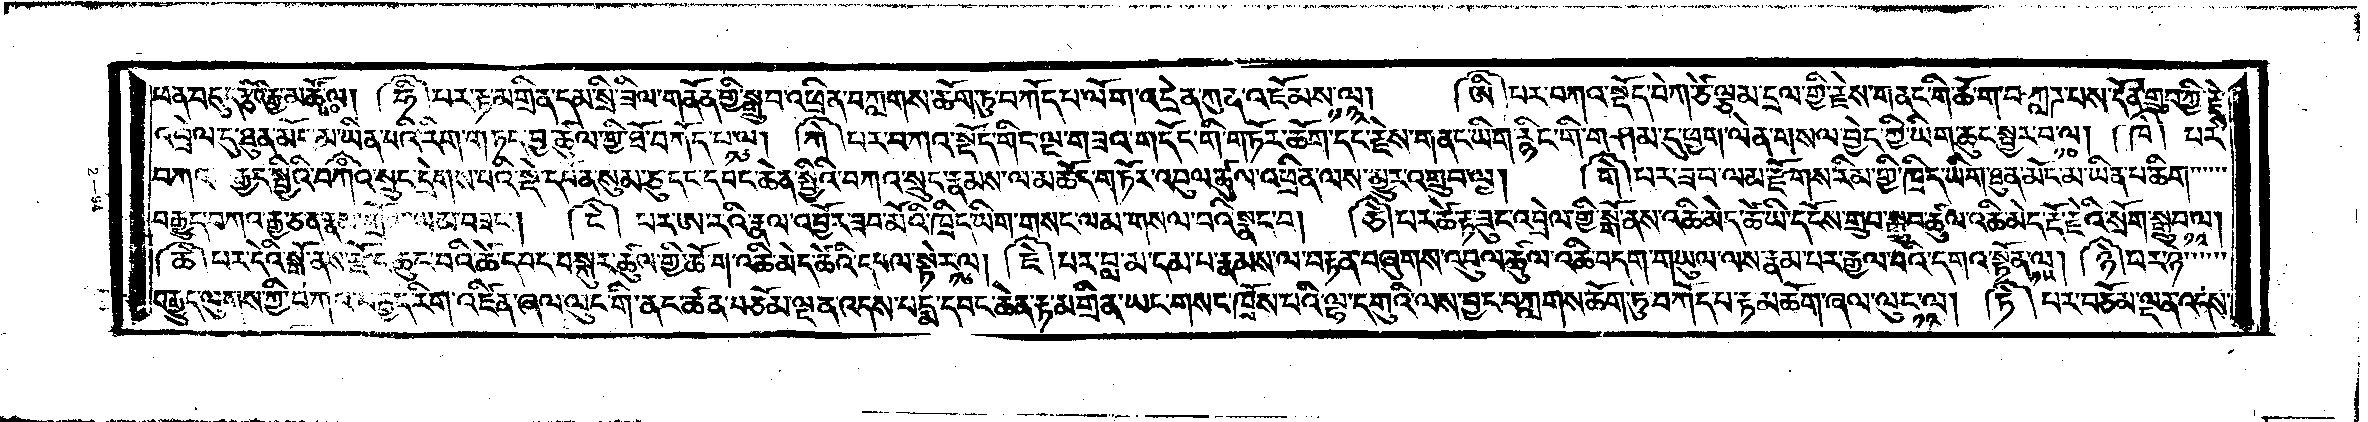ཕན་བདུད་རྩིའི་རྒྱ་མཚོ་ལ། ༼ཧི༽ པར་རྟ་མགྲིན་དམ་སྲི་ཟིལ་གནོན་གྱི་སྒྲུབ་འཕྲིན་བཀླགས་ཆོག་ཏུ་བཀོད་པ་ལོག་འདྲེན་ཀུན་འཇོམས་ལ། ༼ཨི༽ པར་བཀའ་སྡོད་བེཀ་ཙེ་ལྕམ་དྲལ་གྱི་རྗེས་གནང་གི་ཆོ་ག་བ་ཀླཌ་པས་དོན་གྲུབ་ཀྱི་རྗེས་
འབྲེལ་དུ་ཐུན་མོང་མ་ཡིན་པའི་རིག་གཏད་བྱ་ཚུལ་གྱི་ཐོ་བཀོད་པ་ལ། ༼ཀེ༽ པར་བཀའ་སྡོད་གིང་ལྔ་གཟའ་གདོང་གི་གཏོར་ཆོག་དང་རྗེས་གནང་ཡིག་རྙིང་གི་གཤམ་དུ་ཕྱག་ལེན་གསལ་བྱེད་ཀྱི་ཡིག་ཆུང་སྦྱར་བ་ལ། ༼ཁ༽ པར་
བཀའ་བརྒྱད་སྤྱིའི་བཀའ་སྲུང་དྲེགས་པའི་སྡེ་དཔོན་སུམ་ཅུ་དང་དབང་ཆེན་སྤྱིའི་བཀའ་སྲུང་རྣམས་ལ་མཆོད་གཏོར་འབུལ་ཚུལ་འཕྲིན་ལས་མྱུར་འགྲུབ་ལ། ༼གེ༽ པར་ཟབ་ལམ་རྫོགས་རིམ་གྱི་ཁྲིད་ཡིག་ཐུན་མོང་མ་ཡིན་པ་ཆིག་
རྒྱུད་བཀའ་རྒྱ་ཅན་རྣམ་གྲོལ་ལམ་བཟང་། ༼ངེ༽ པར་ཨ་རའི་རྣལ་འབྱོར་ཟབ་མོའི་ཁྲིད་ཡིག་གསང་ལམ་གསལ་བའི་སྣང་བ། ༼ཅེ༽ པར་ཚེ་རྟ་ཟུང་འབྲེལ་གྱི་སྒོ་ནས་འཆི་མེད་ཚེ་ཡི་དངོས་གྲུབ་སྒྲུབ་ཚུལ་འཆི་མེད་རྡོ་རྗེའི་སྲོག་སྒྲུབ་ལ།
༼ཆེ༽ པར་དེའི་སྒོ་ནས་རྫོ་ང་ཆུང་བའི་ཚེ་དབང་བསྐུར་ཚུལ་གྱི་ཆོ་ག་འཆི་མེད་ཚེའི་དཔལ་སྟེར་ལ། ༼ཇེ༽ པར་བླ་མ་དམ་པ་རྣམས་ལ་བརྟན་བཞུགས་འབུལ་ཚུལ་འཆི་བདག་གཡུལ་ལས་རྣམ་པར་རྒྱལ་བའི་དགའ་སྟོན་ལ། ༼ཉེ༽ པར་ཉེ་
བརྒྱུད་ལུགས་ཀྱི་བཀའ་བརྒྱད་རིག་འཛིན་ཞལ་ལུང་གི་ནང་ཚན་བཅོམ་ལྡན་འདས་པདམ་དབང་ཆེན་རྟ་མགྲིན་ཡང་གསང་ཁྲོས་པའི་ལྷ་དགུའི་ལས་བྱང་བཀླགས་ཆོག་ཏུ་བཀོད་པ་རྟ་མཆོག་ཞལ་ལུང་ལ། ༼ཏེ༽ པར་བཅོམ་ལྡན་འདས་